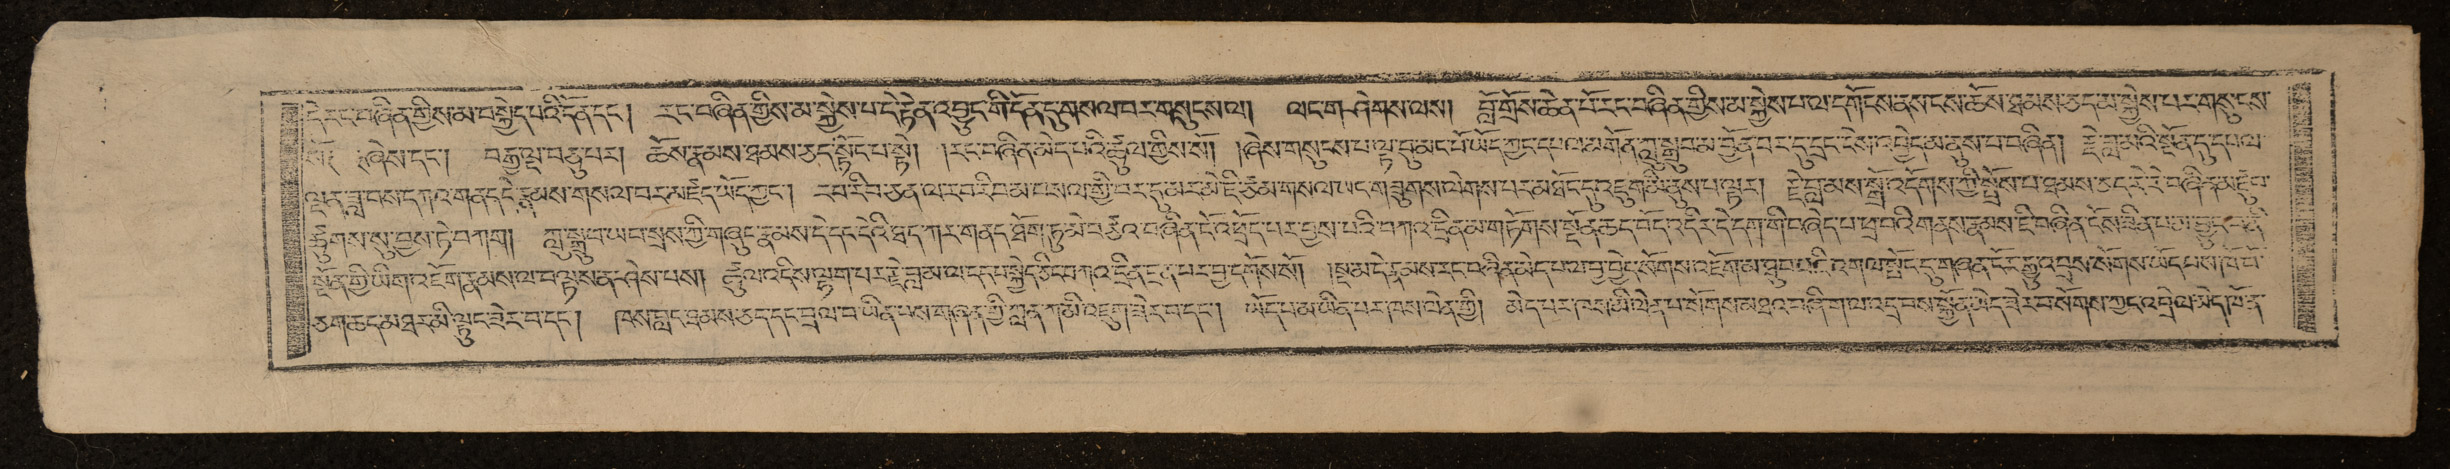དེ་རང་བཞིན་གྱིས་མ་བསྐྱེད་པའི་དོན་དང་། རང་བཞིན་གྱིས་མ་སྐྱེས་པ་དེ་རྟེན་འབྱུང་གི་དོན་དུ་གསལ་བར་གསུངས་ལ། ལང་གཤེགས་ལས། བློ་གྲོས་ཆེན་པོ་རང་བཞིན་གྱིས་མ་སྐྱེས་བ་ལ་དགོངས་ནས་ངས་ཆོས་ཐམས་ཅད་མ་སྐྱེས་པར་གསུངས་
སོ༑ ༑ཞེས་དང་། བརྒྱ་ལྔ་བཅུ་པར། ཆོས་རྣམས་ཐམས་ཅད་སྟོང་པ་སྟེ། །རང་བཞིན་མེད་བའི་ཚུལ་གྱིས་སོ། །ཞེས་གསུངས་པ་ལྟ་བུ་མང་པོ་ཡོད་ཀྱང་དབལ་མགོན་ཀླུ་སྒྲུབ་མ་བྱོན་བར་དུ་དྲང་ངེས་འབྱེད་མ་ནུས་བ་བཞིན། རྗེ་བླ་མའི་སྔོན་དུ་དཔལ་
ལྡན་ཟླ་བས་དཀའ་གནད་དེ་རྣམས་གསལ་བར་མཛད་ཡོད་ཀྱང་། རབ་རིབ་ཅན་ལ་རབ་རིབ་མ་བསལ་གྱི་བར་དུ་མར་མེ་ཇི་ཙམ་གསལ་ཡང་གཟུགས་ལེགས་པར་མཐོང་དུ་འཇུག་མི་ནུས་པ་ལྟར། རྗེ་བླ་མས་སྒྲོ་འདོགས་ཀྱི་སྤྲོས་པ་ཐམས་ཅད་རེ་རེ་བཞིན་མཛུབ་
ཚུགས་སུ་བྱས་ཏེ་བཀག། ཀླུ་སྒྲུབ་ཡབ་སྲས་ཀྱི་གཞུང་རྣམས་དེ་དང་དེའི་ཐད་ཀར་གནད་ཐོག་ཏུ་མེ་བཙའ་བཞིན་ངོ་འཕྲོད་བར་བྱས་བའི་བཀའ་དྲིན་མ་གཏོགས་སྔོན་ཆད་པོད་འདིར་དེ་དག་གི་བཞེད་པ་ཕྲ་བའི་གནས་རྣམས་ཇི་བཞིན་ངོས་ཟིན་པ་མ་བྱུང་བ་ནི་
སྔོན་གྱི་ཡིག་འཇོག་རྣམས་ལ་བལྟས་ན་ཤེས་པས། ཚུལ་འདིས་ལྷག་པར་རྗེ་བླ་མ་ལ་ངང་བསྐྱེད་ཅིང་བཀའ་དྲིན་དྲན་པར་བྱ་དགོས་སོ། །སྔ་མ་དེ་རྣམས་རང་བཞིན་མེད་པ་ལ་བྱ་བྱེད་སོགས་འཇོག་མ་ཐུབ་བའི་འགལ་སྤོང་དུ་གཞན་དོར་རྒྱུ་འབྲས་སོགས་ཡོད་བས་ཁོ་བོ་
ཅག་ཆད་མཐར་མི་ལྟུང་ཟེར་བ་དང་། ཁས་བླང་ཐམས་ཅད་དང་བྲལ་བ་ཡིན་པས་གཞན་གྱི་ཀྲན་ཀ་མི་འཇུག་ཟེར་བ་དང་། ཡོད་པ་མ་ཡིན་བར་ཁས་ལེན་གྱི། མེད་པར་ཁས་མི་ལེན་བ་སོགས་མཐའ་བ་ཞིག་ལ་འདྲ་བས་སྐྱོན་མེད་ཟེར་བ་སོགས་ཀྱང་འབྲེལ་མེད་ཁོ་ན་